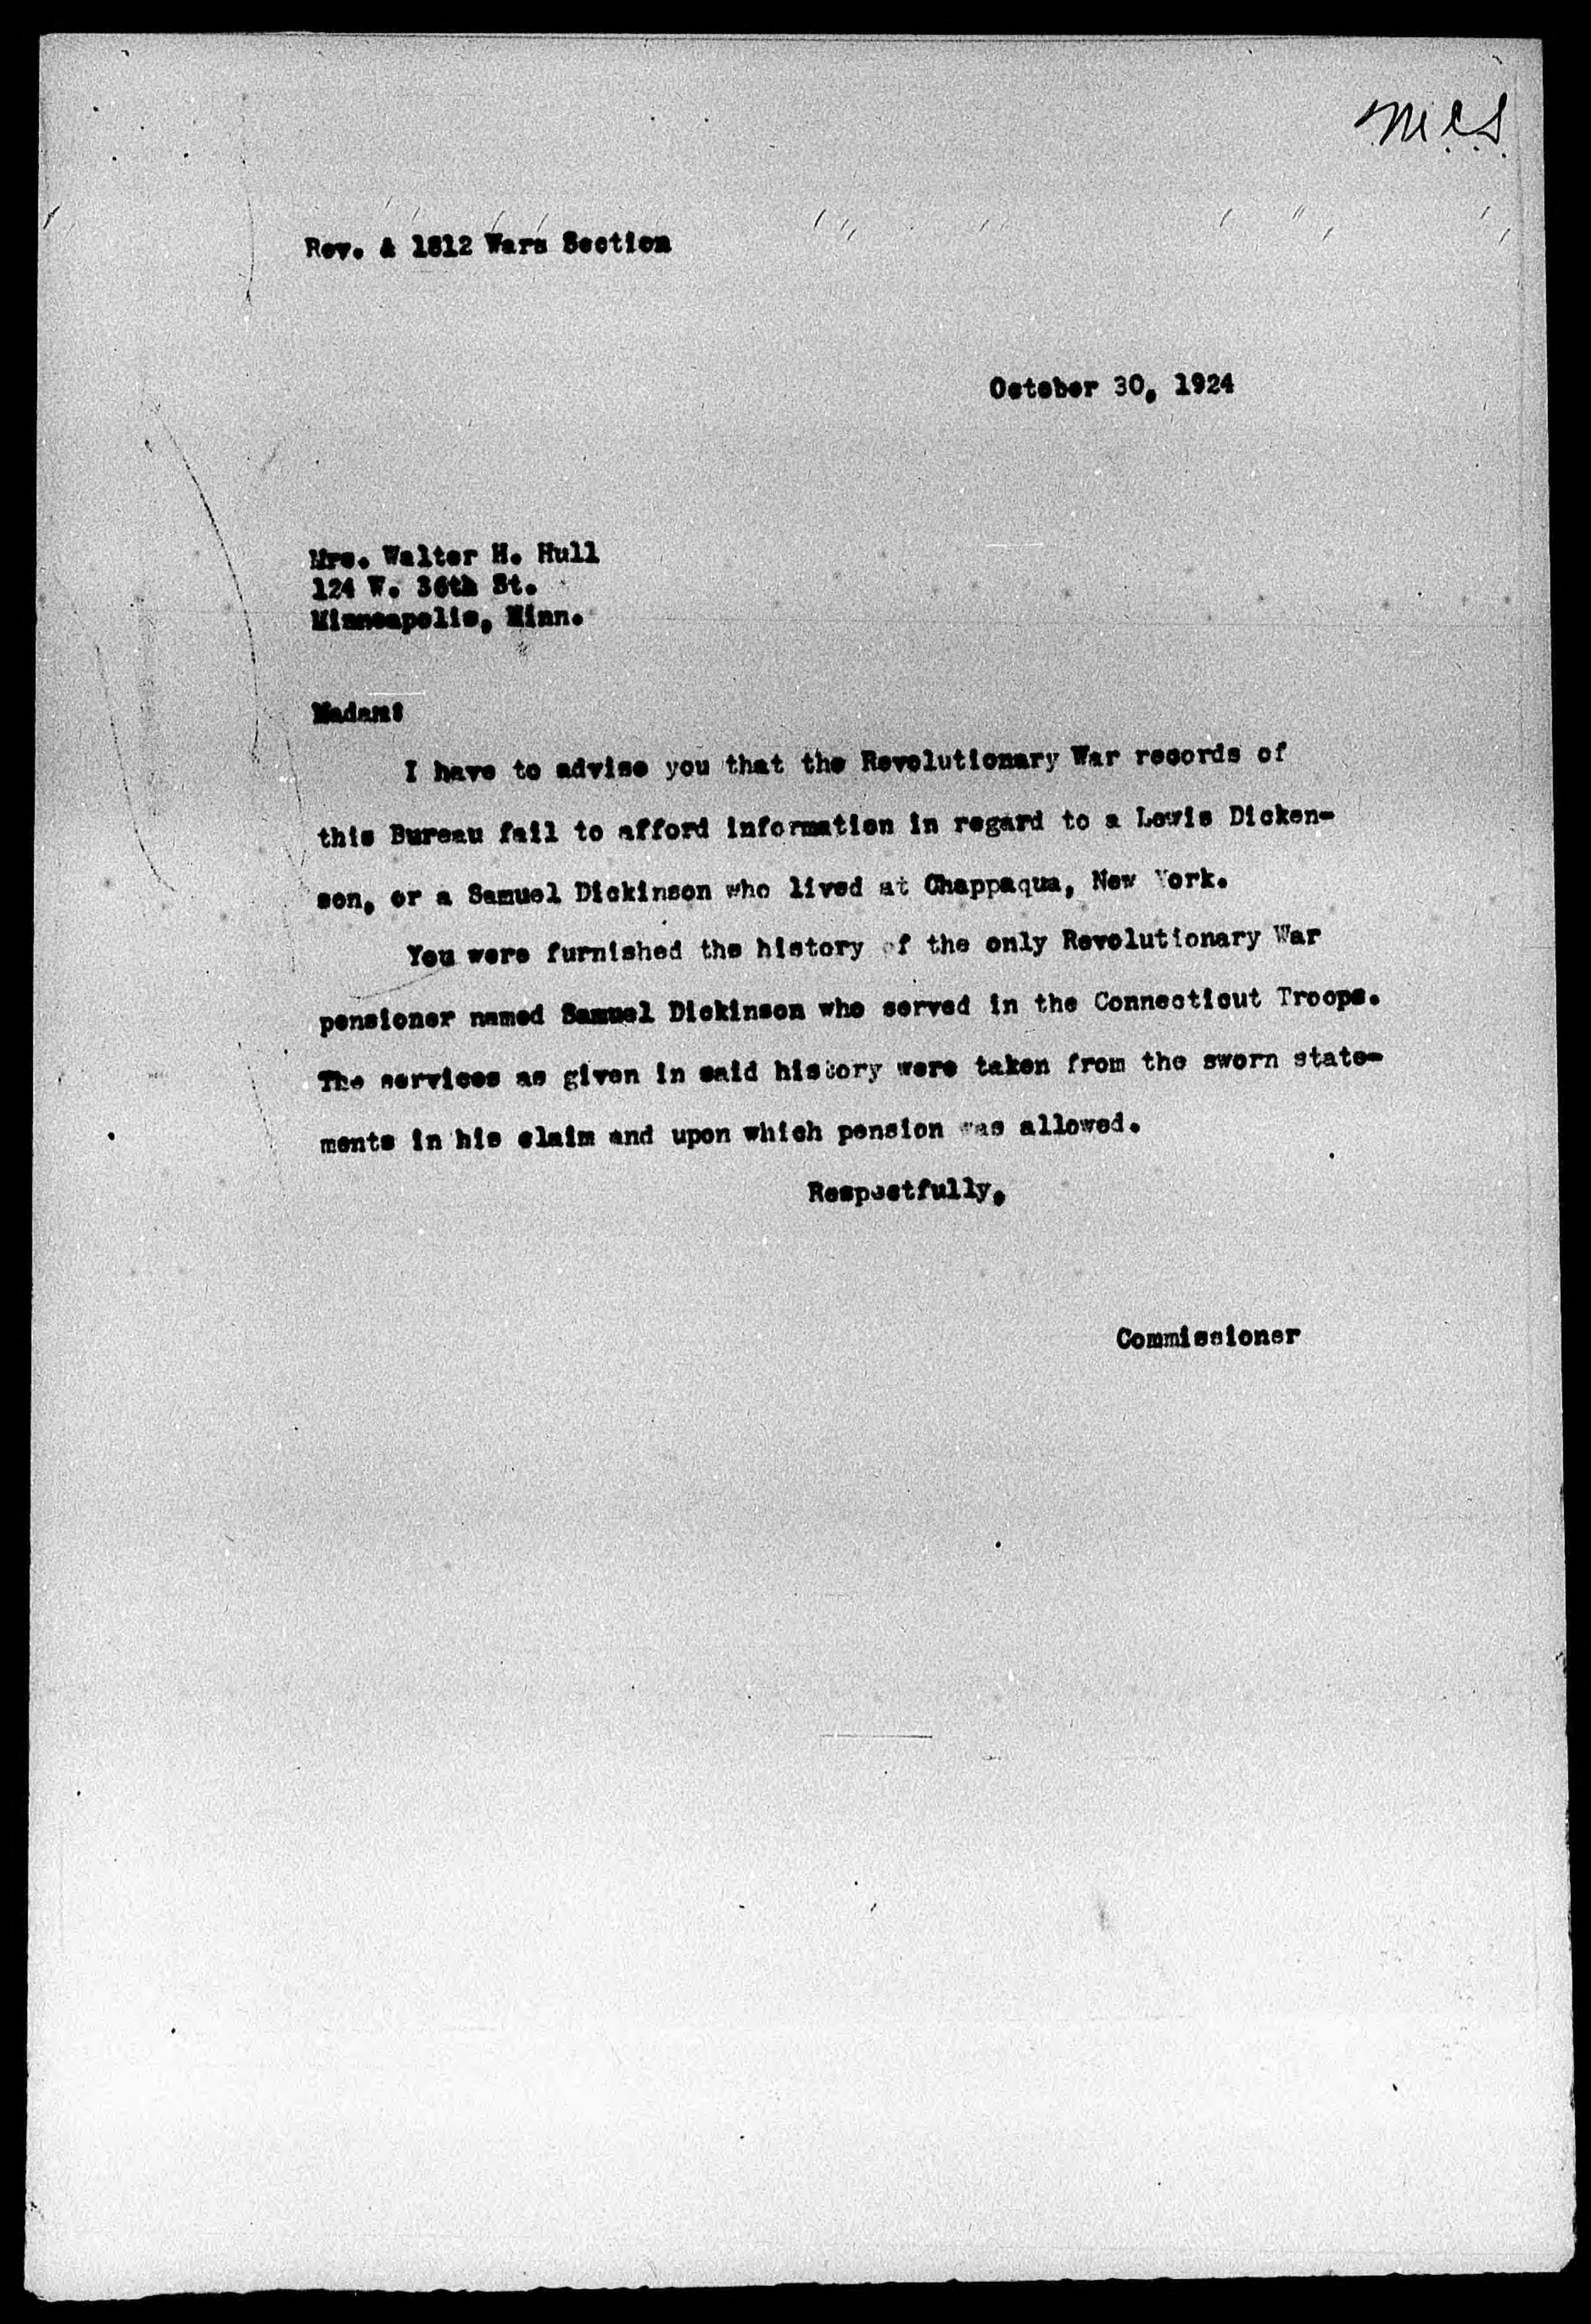Rev. & 1812 Wars Section

October 30, 1924

Mrs. Walter H. Hull
124 W. 36th St.
Minneapolis, Minn.

Madam:
I have to advice you that the Revolutionary War records of
this Bureau fail to afford information in regard to a Louis Dickenson,
or a Samuel Dickinson who lived at Chappaqua, New York.
You were furnished the history of the only Revolutionary War
pensioner named Samuel Dickinson who served in the Connecticut Troope.
The services as given in said history were takes from the sworn statements
in his claim and upon which pension was allowed.
Respectfully,

Commissioner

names: Samuel Dickinson, Lewis Dickenson, Samuel Dickinson, Walter H Hull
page: 23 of 60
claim: widow's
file: W 16,955, Samuel Dickinson, Conn.